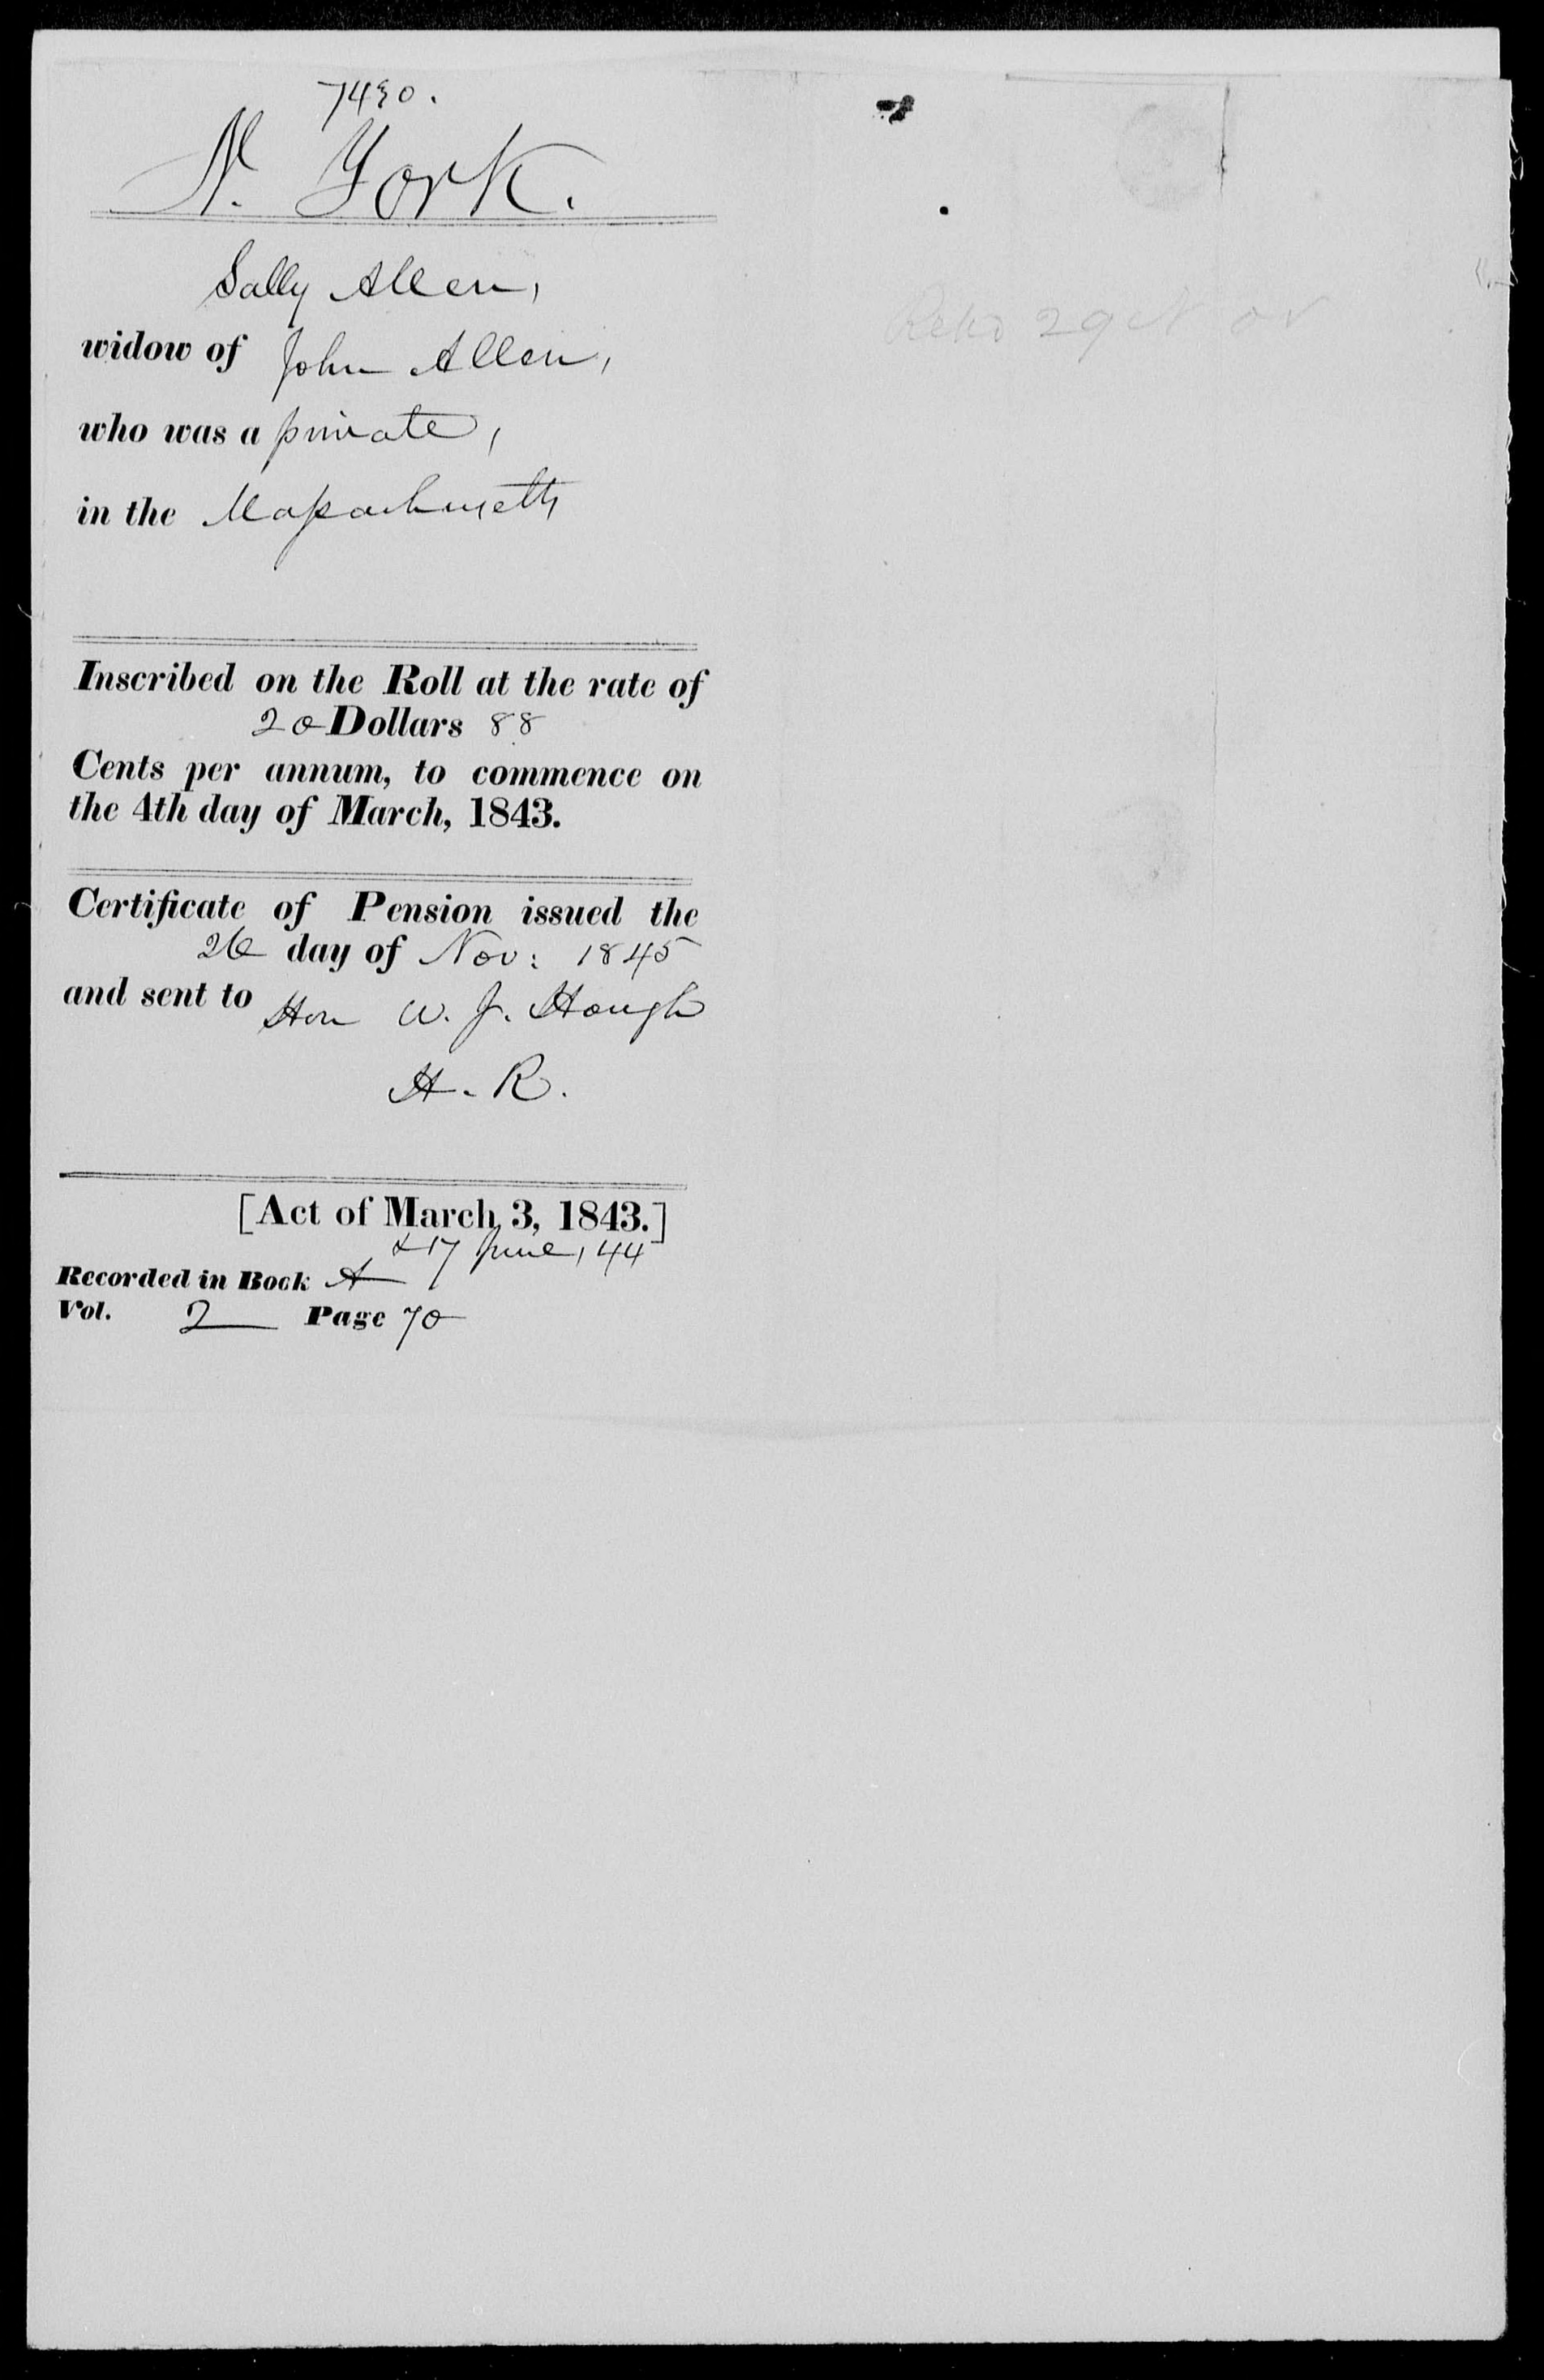[left side]
7430
N. York
Sally Allen,
widow of
John Allen,
who was a private
in the Massachusetts
Inscribed on the Roll at the rate of
20 Dollars 88
Cents per annum, to commence on
the 4th day of March, 1843.
Certificate of Pension issued the
26 day of Nov: 1845
and sent to
Hon W. J. Hough
H. R.
[Act of March 3, 1843.
& 7 June, 44]
Recorded in Book A
Vol. 2 Page 70

[right side]
Rept 29 Nov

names: John Allen, W J Hough, Sally Allen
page: 35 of 74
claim: widow's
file: W. 23424, John Allen, Mass. R. I.